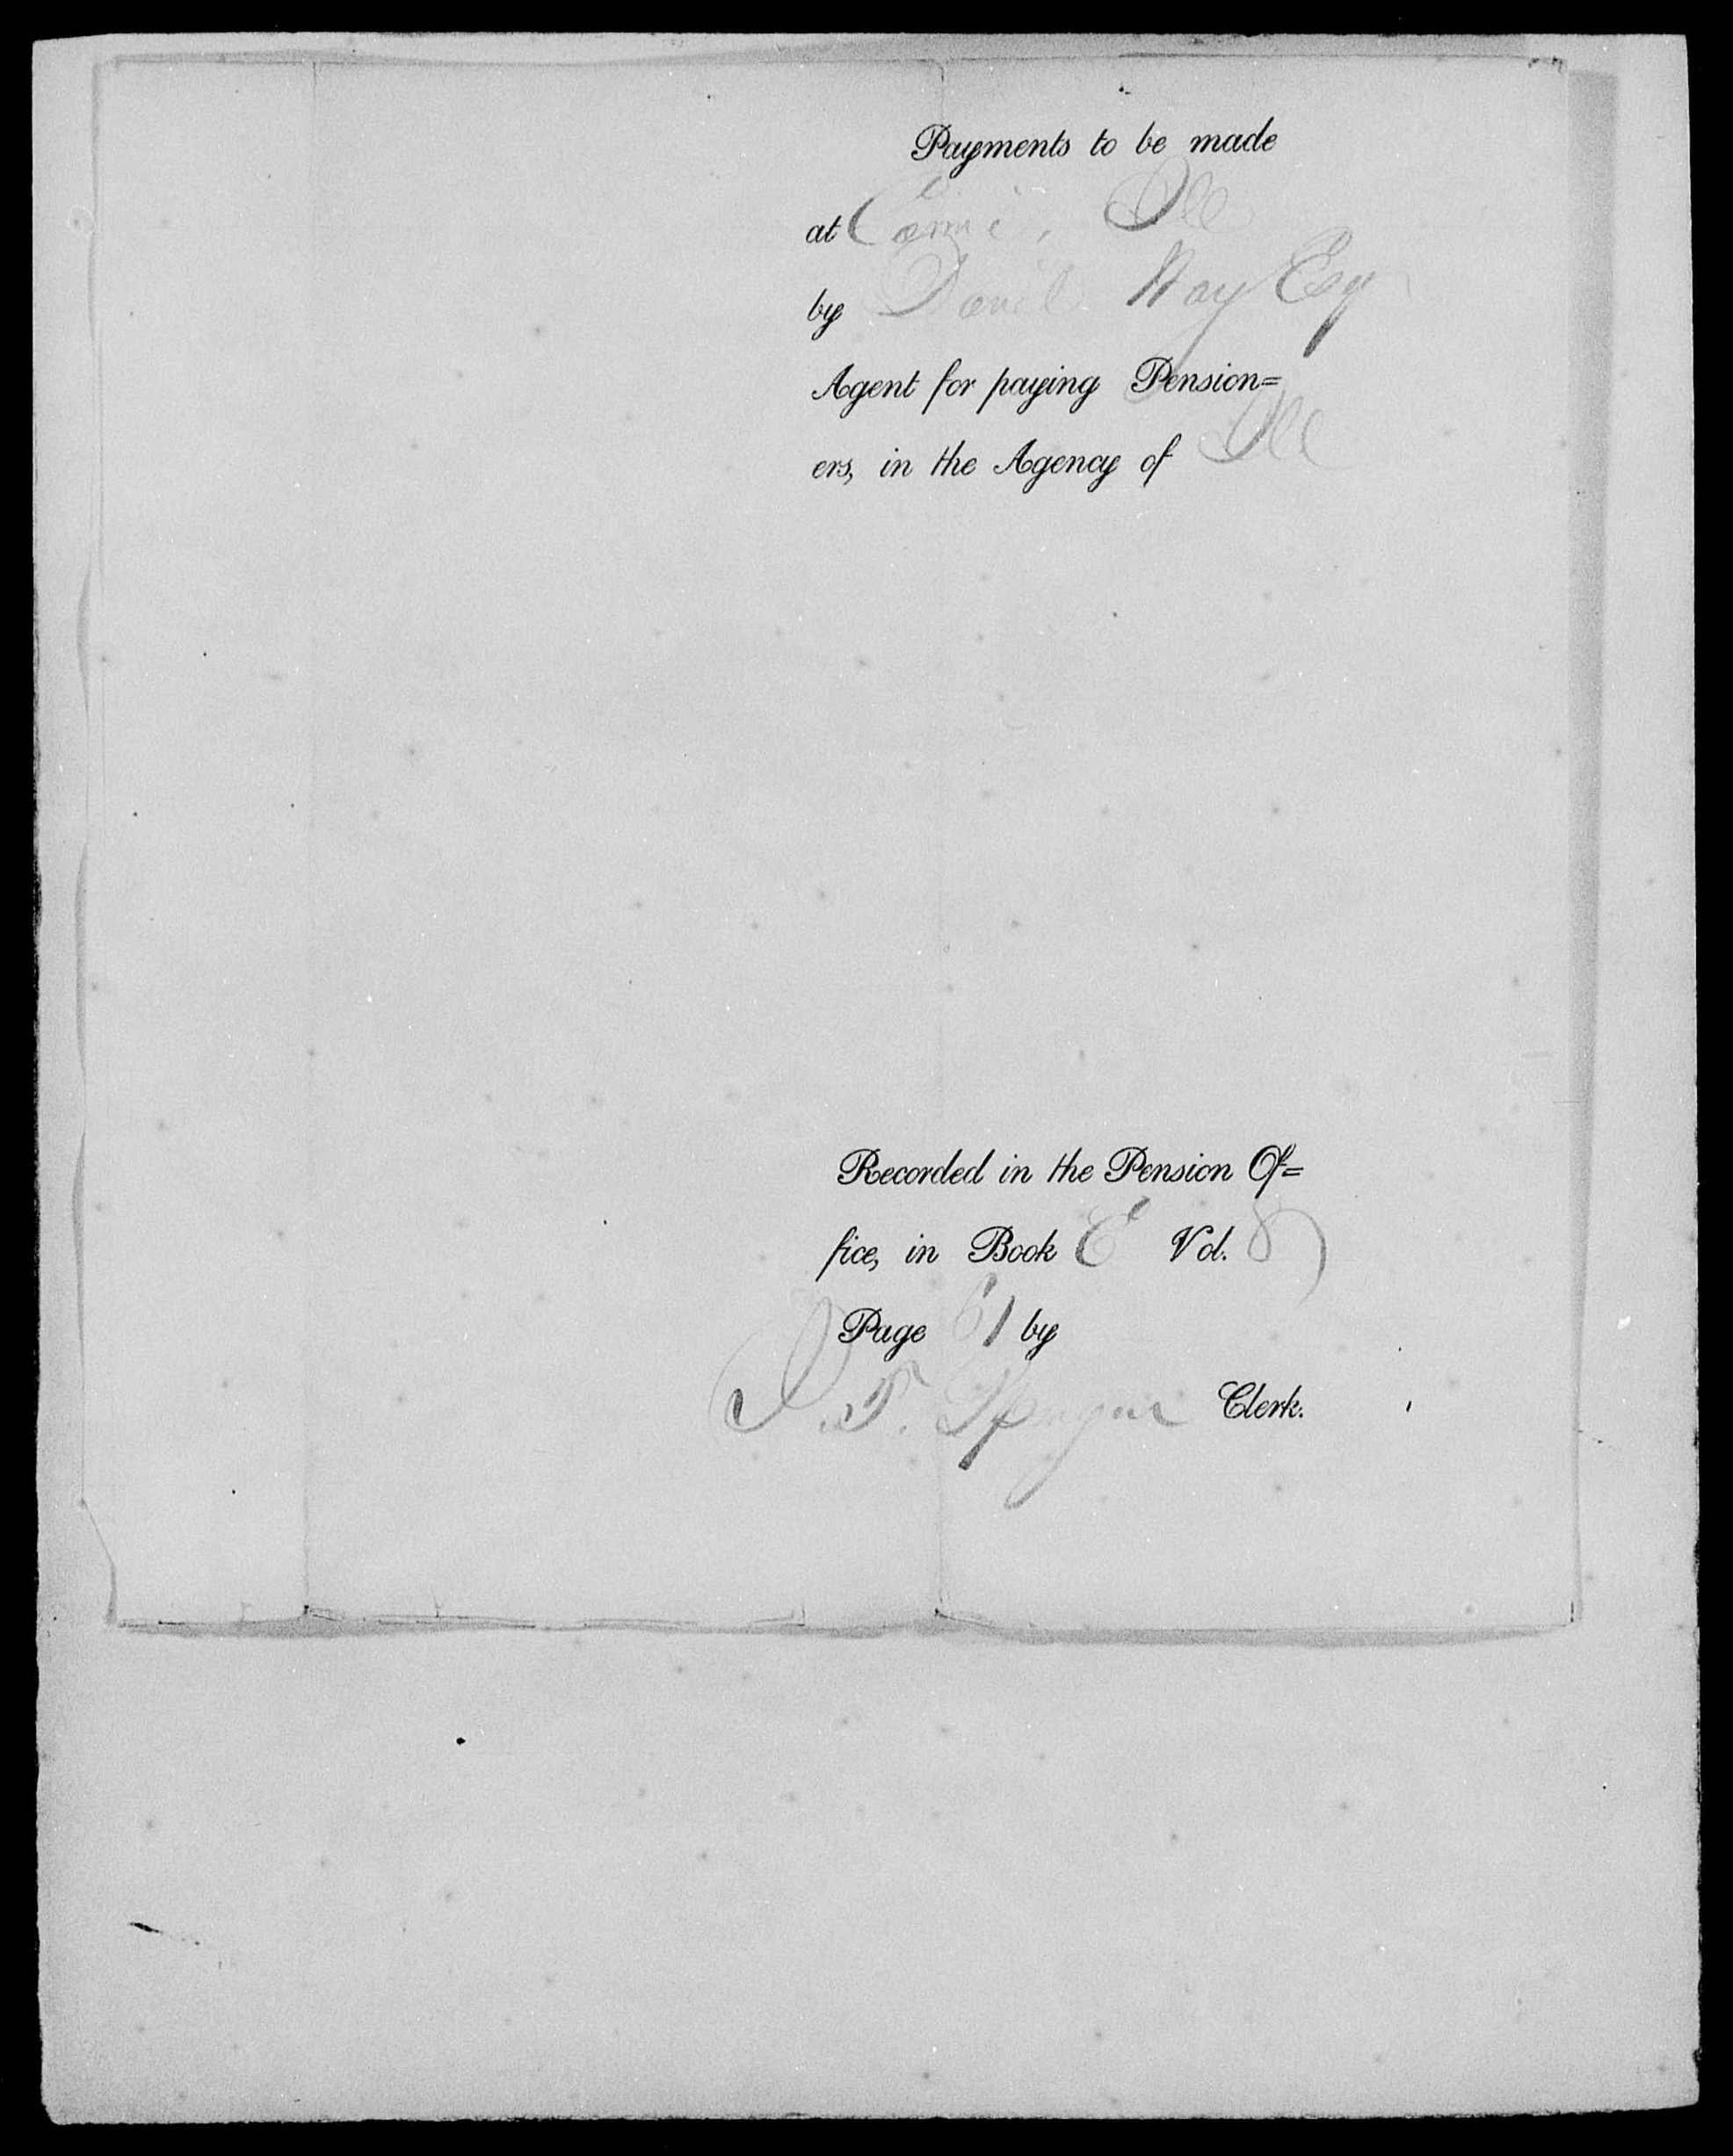Payments to be made
at Carmel, Ill
by Daniel May Esqr
Agent for paying Pensioners, in the Agency of
Ill
Recorded in the Pension Office, in Book E Vol. 8
Page 61 by
JT. Sprague Clerk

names: J T Sprague, Daniel Way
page: 25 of 36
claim: survivor's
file: S. 31,718, James Guffey, Penn.